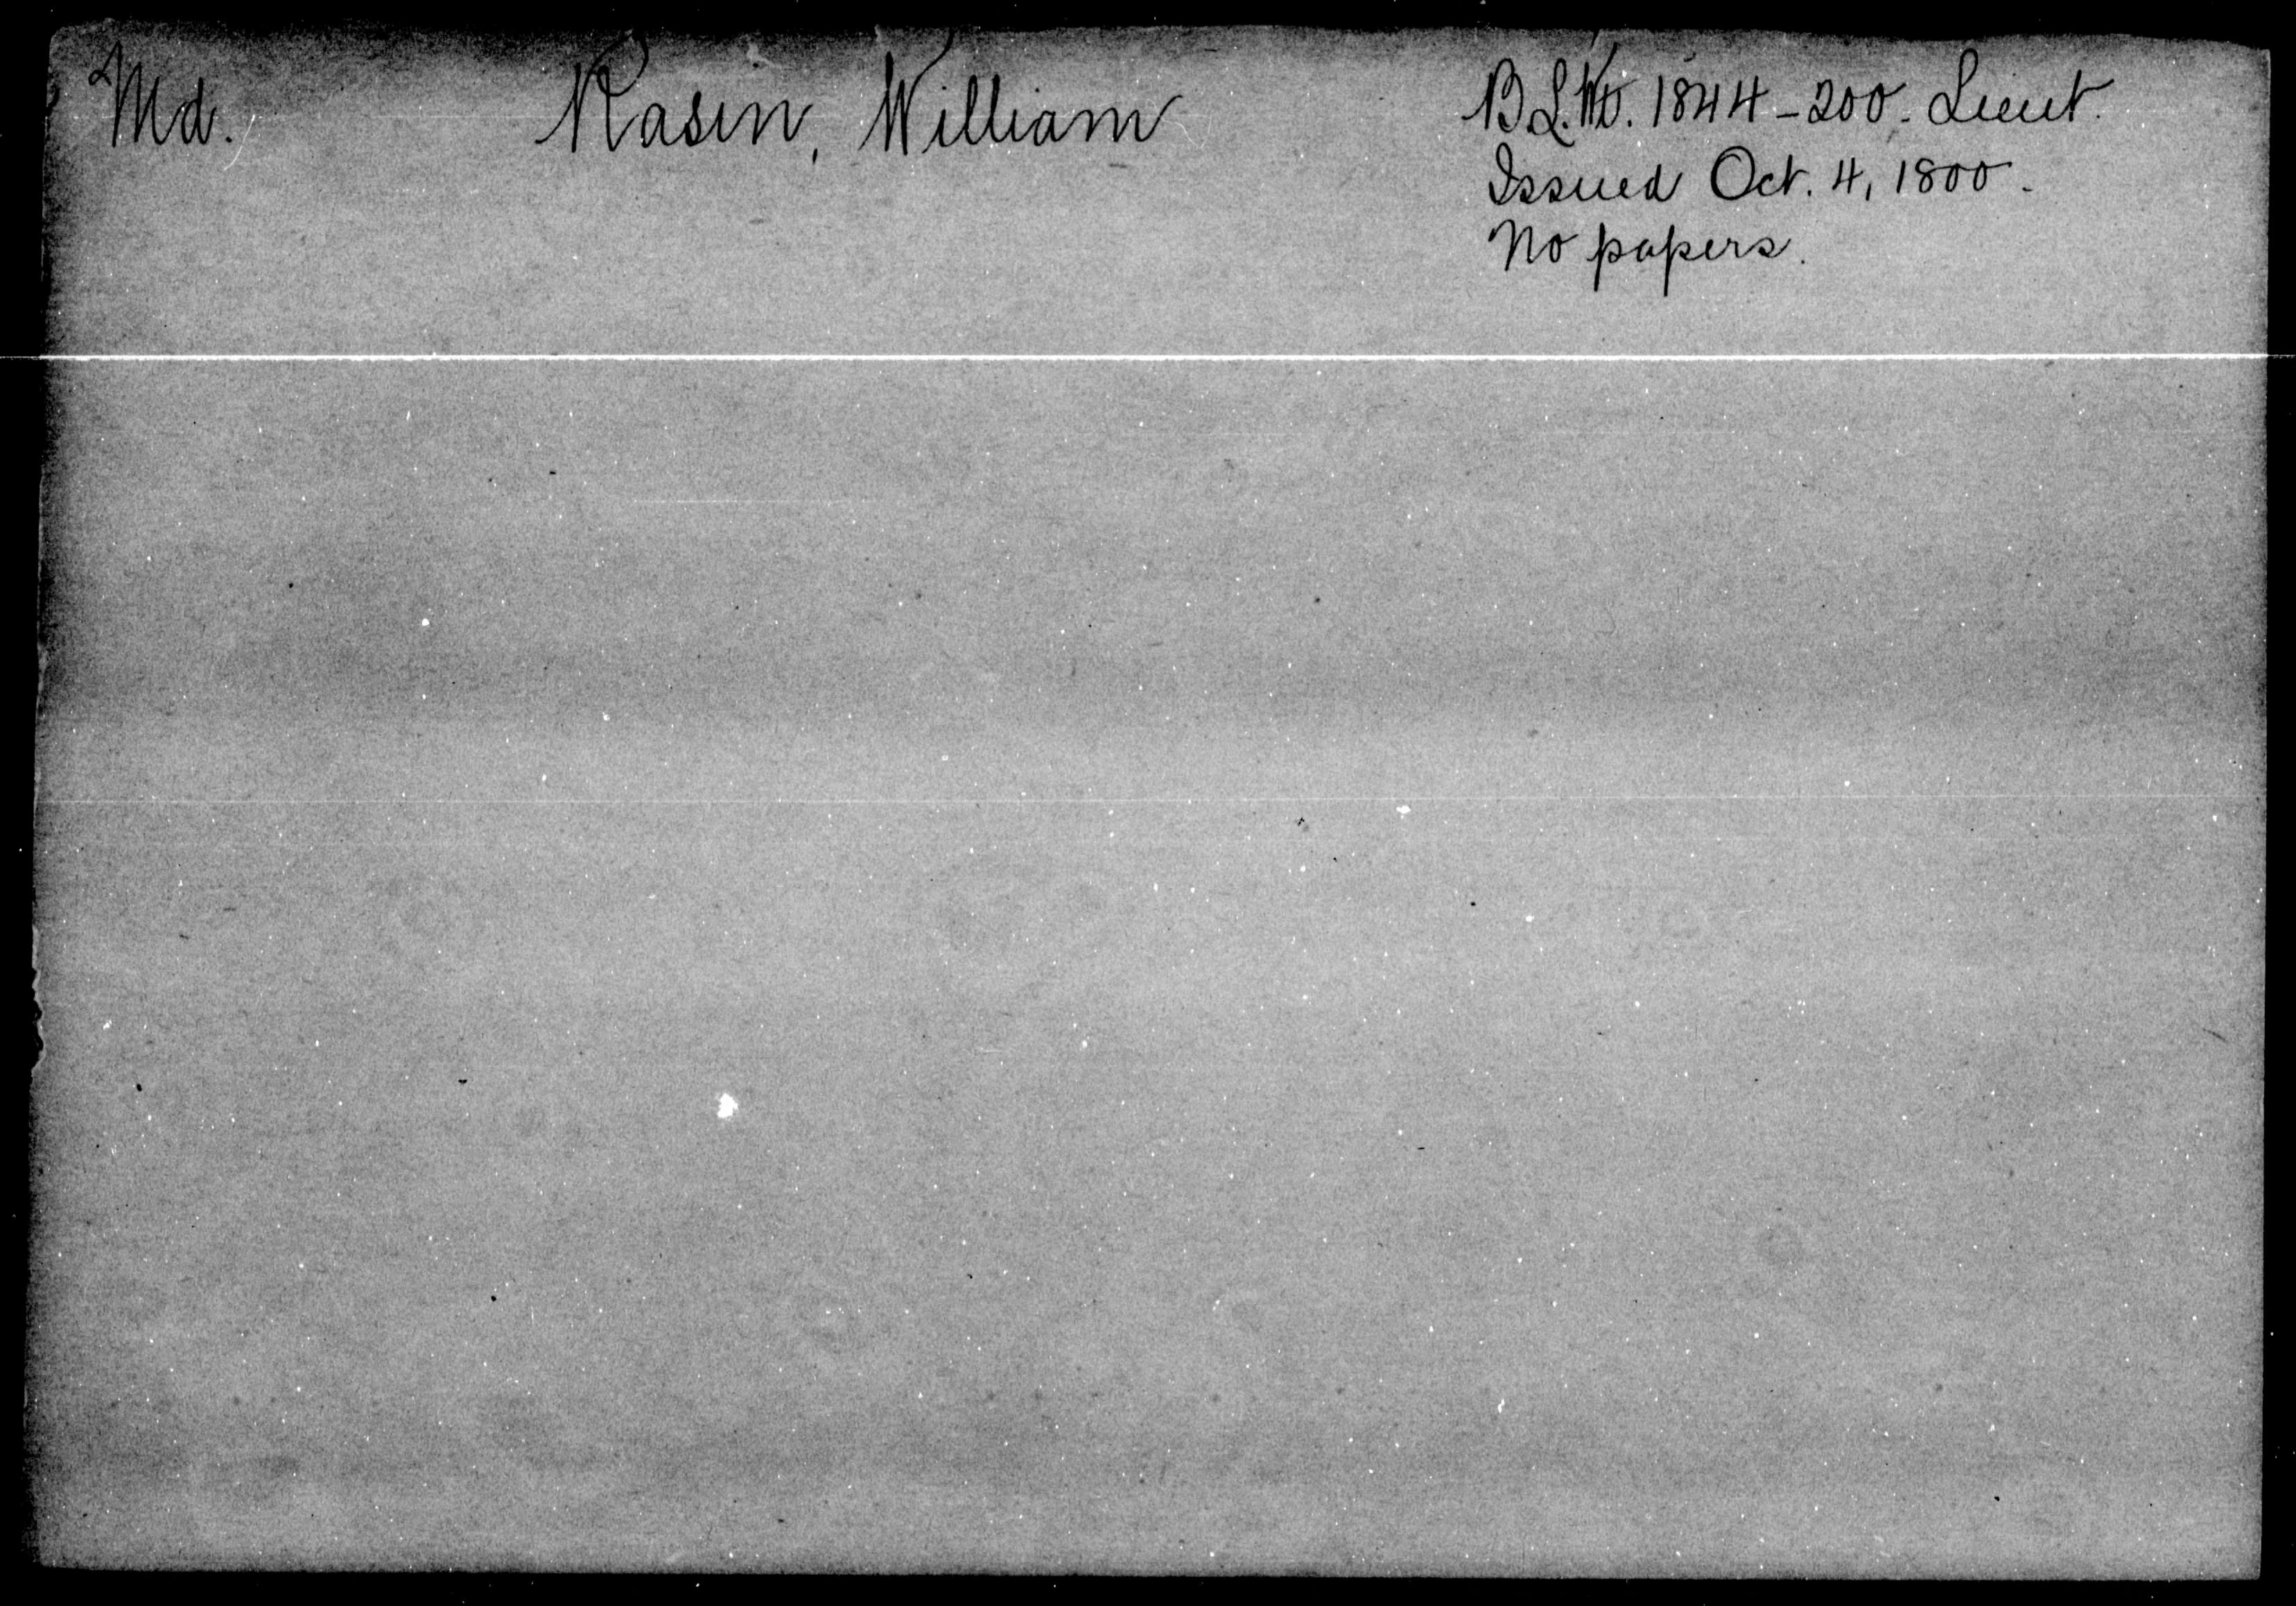Md.

Rasin, William

B.L.Wt. 1844_200. Lieut.
Issued Oct. 4, 1800.
No papers.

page: 1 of 1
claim: bounty land warrant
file: B. L. Wt. 1844-200, for William Rasin, Maryland